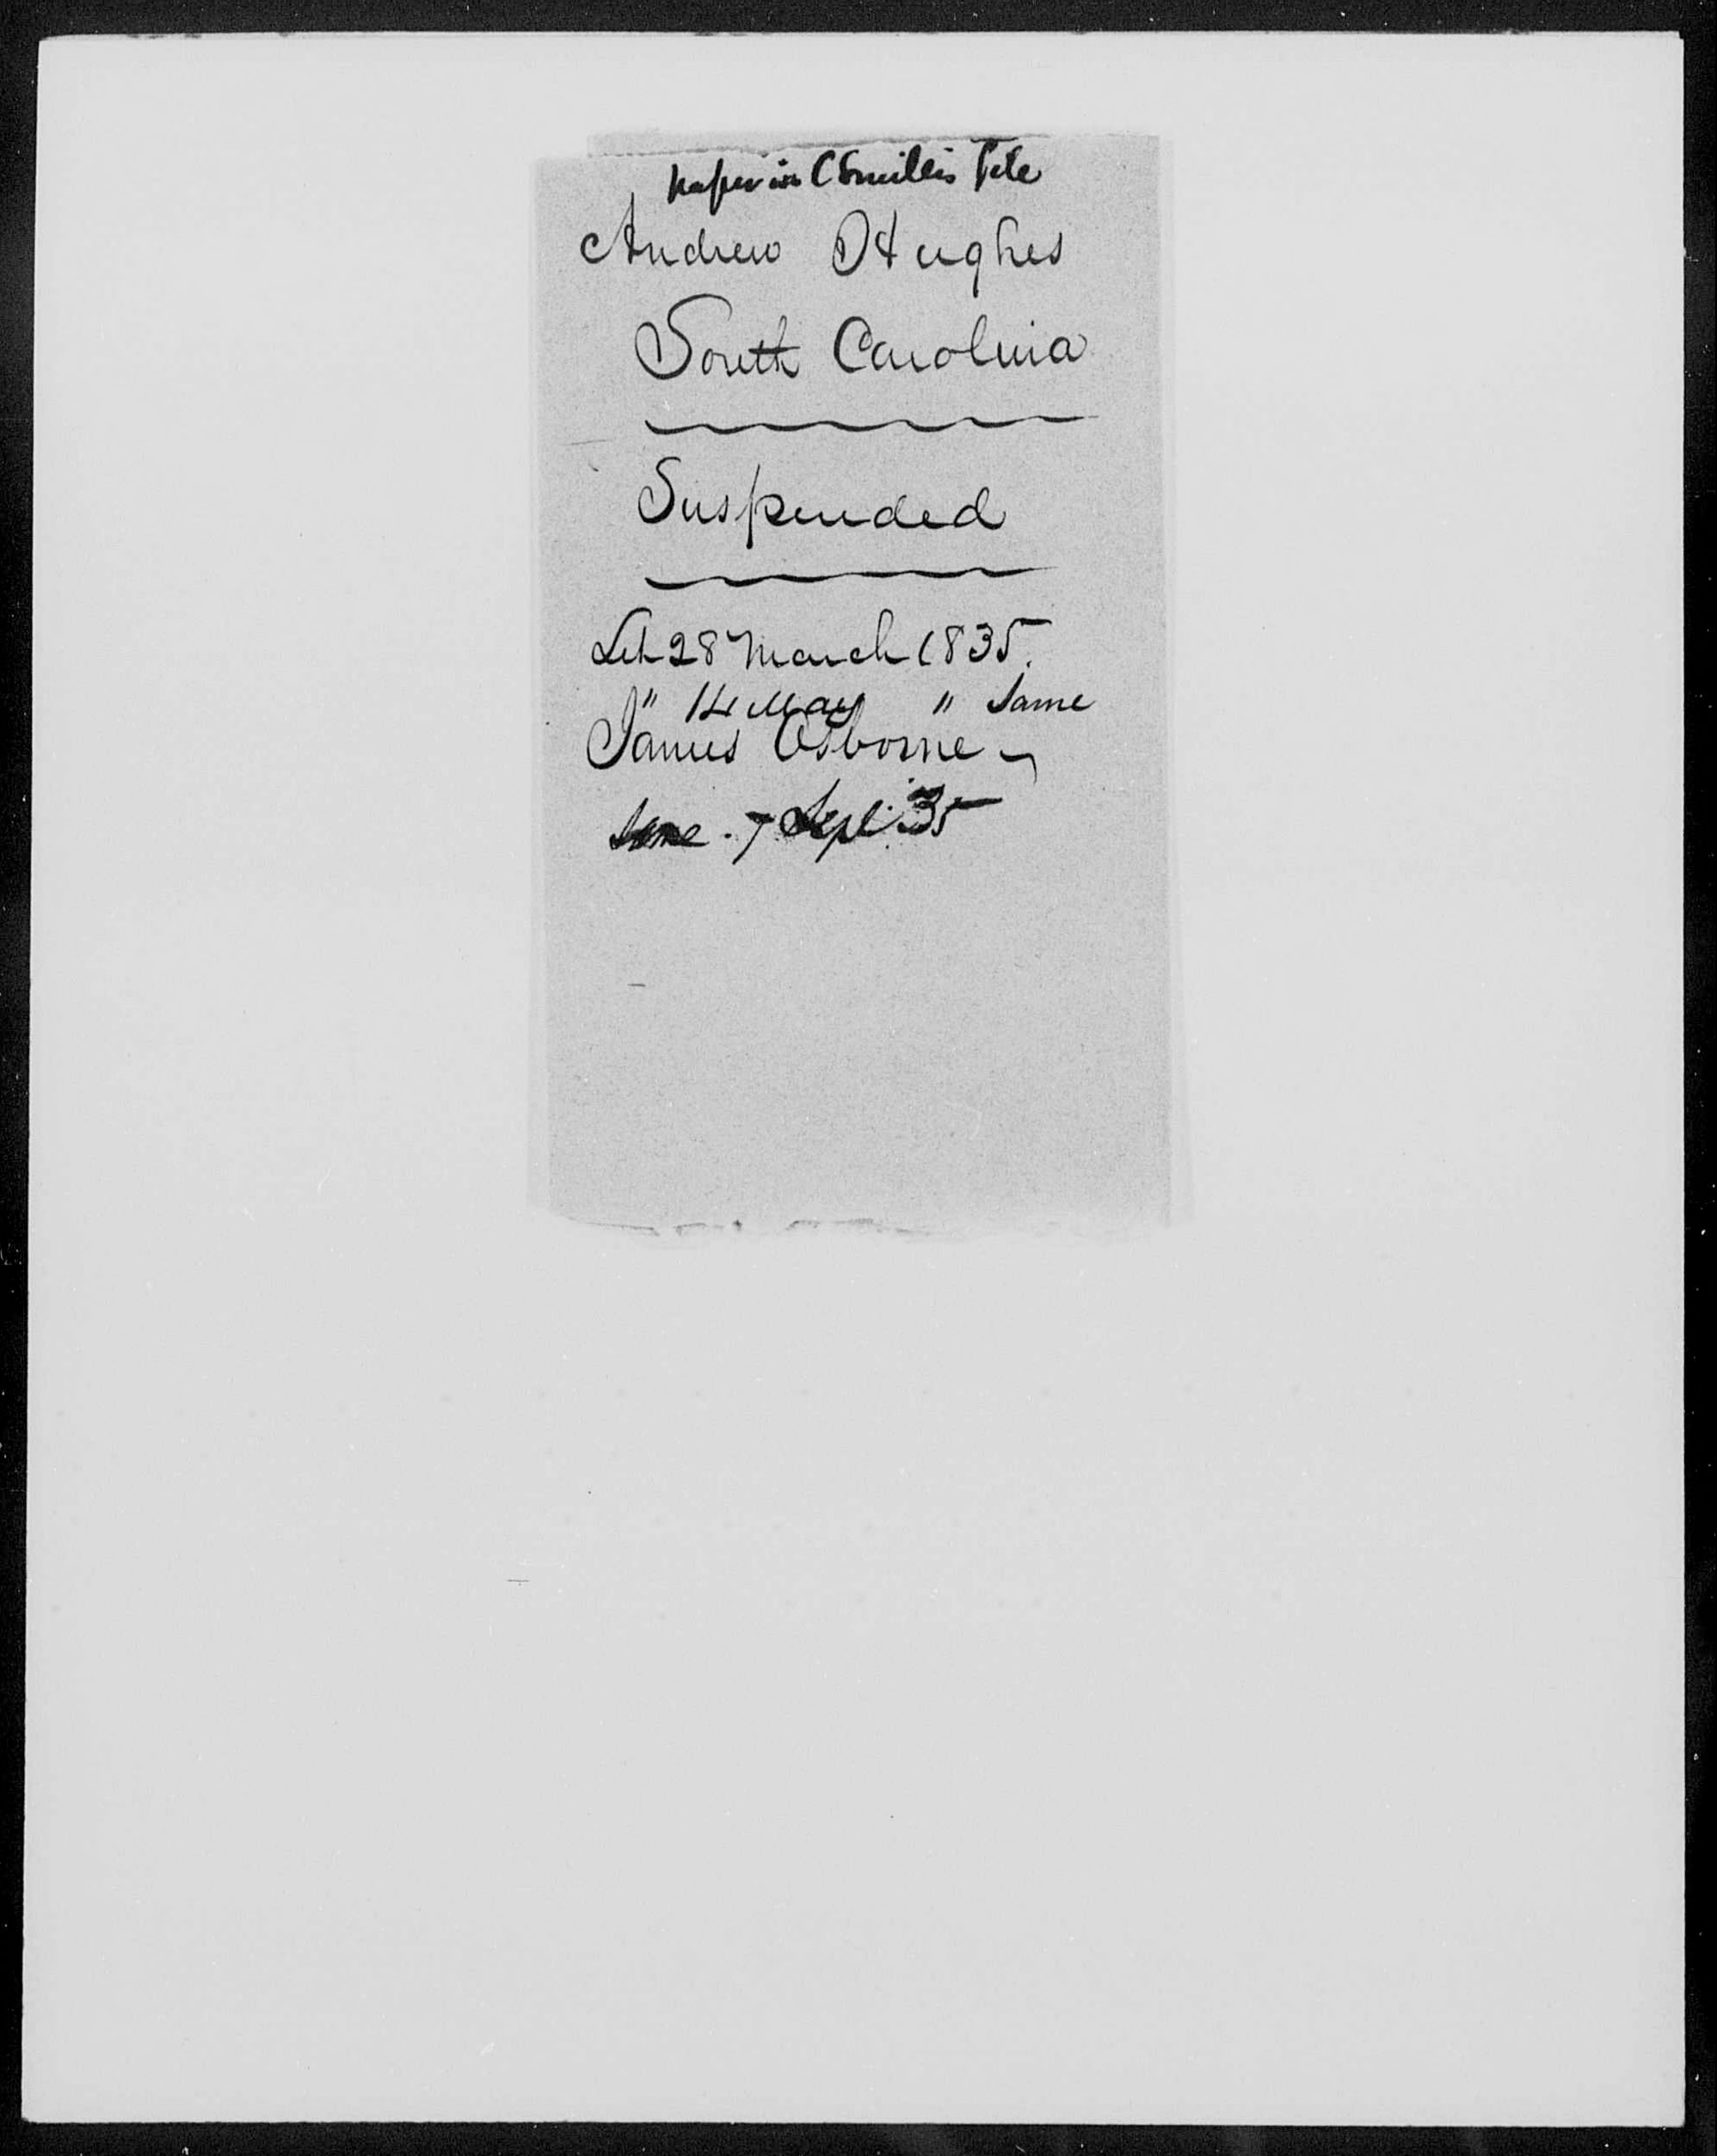(unknown) in Chuileis Cele
Andrew Hughes
South Carolina
Suspended
Lot 28 March 1835
"He may" jame
James Osborne
same 7 Sept 35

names: James Osborne, Andrew Hughes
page: 24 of 75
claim: widow's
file: W. 25805, Andrew Hughes, N.C.